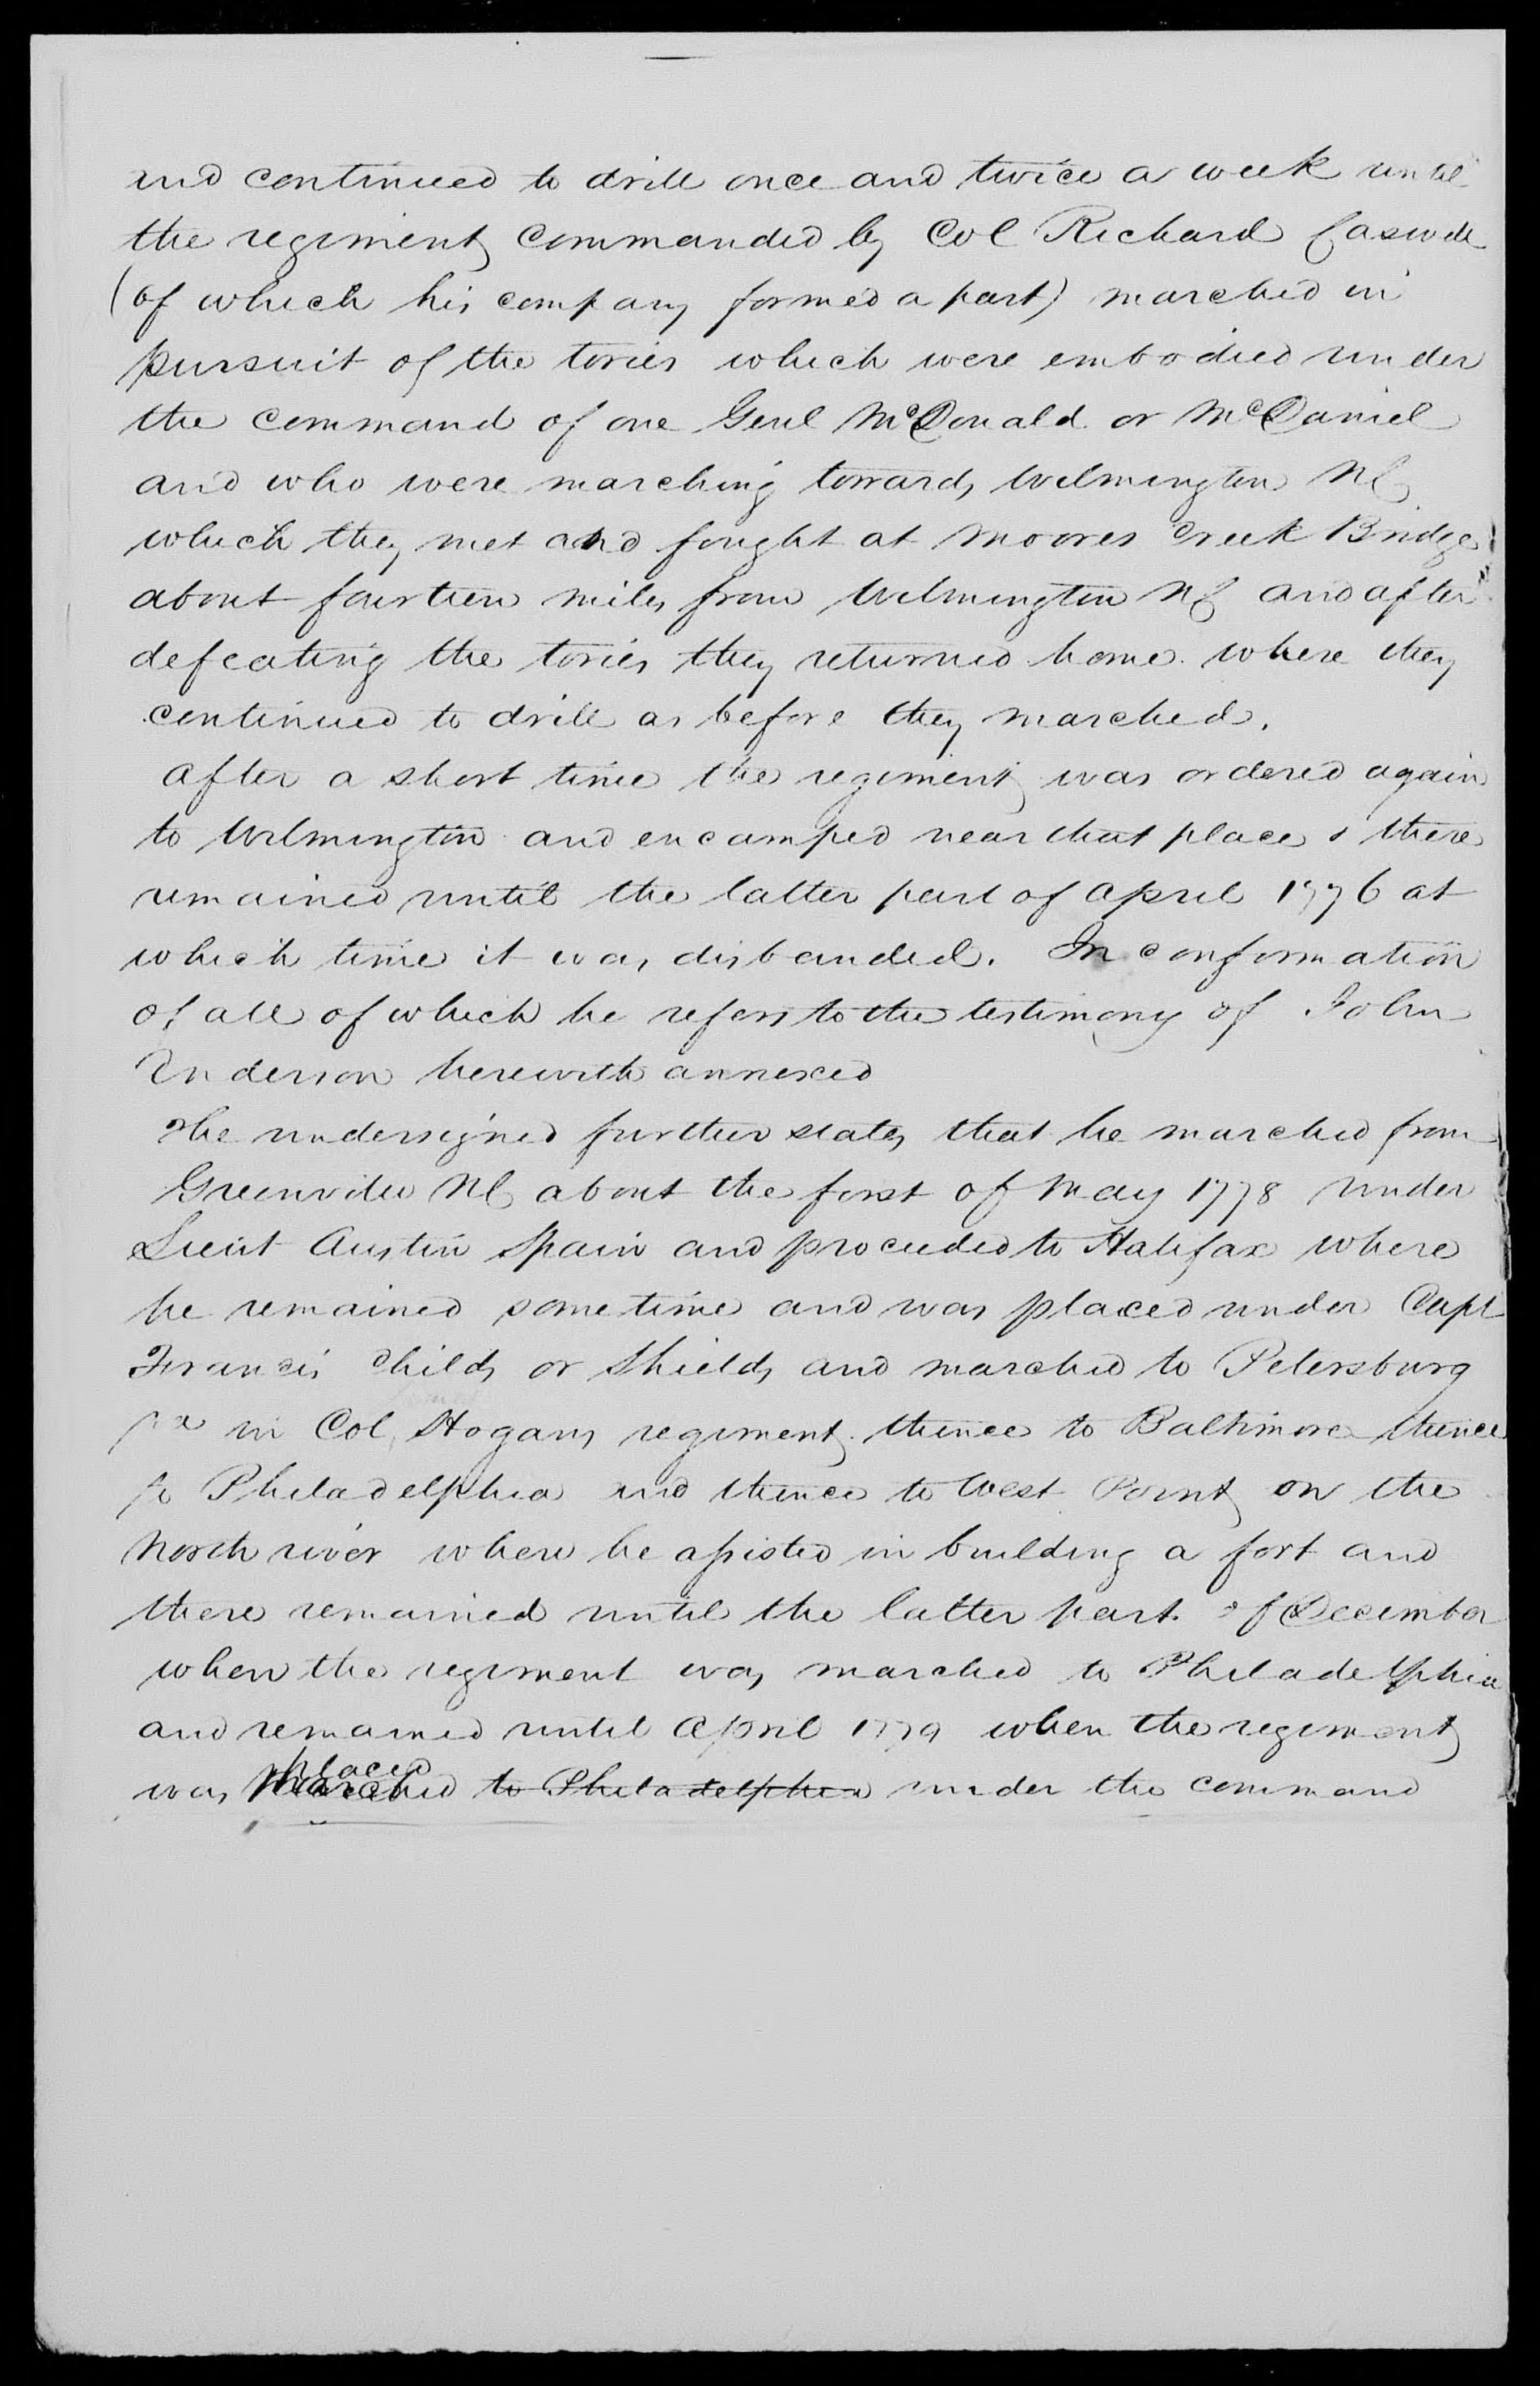and continued to drill once and twice a week until the regiment commanded by Col Richard Caswell (of which his company formed a part) marched in pursuit of the Tories which were embodied under the command of one Genl McDonald or McDaniel and who were marching toward, Wilmington NC. which they met and fought at Moores Creek Bridge about fourteen miles from Wilmington NC and after defeating the Tories they returned home where they continued to drill as before they marched.

After a short time the regiment was ordered again to Wilmington and encamped near that place & there remained until the latter part of April 1776 at which time it was disbanded. In confirmation of all of which he refers to the testimony of John Anderson herewith annexed

The undersigned further states that he marched from Greenville NC about the first of May 1778 under Lieut Austin Spain and proceeded to Halifax where he remained some time and was placed under Capt Francis Childs or Shields and marched to Petersburg Va in Col Hogans regiment, thence to Baltimore thence to Philadelphia and thence to West Point on the North river where he assisted in building a fort and there remained until the latter part of December when the regiment was marched to Philadelphia and remained until April 1779 when the regiment was [crossed out: marched to Philadelphia] placed under the command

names: John Anderson, Mc Daniel, Austin Spain, Mc Donald, Richard Caswell, Francis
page: 6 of 42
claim: survivor's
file: S. 6579, Henry Barnhill, N. C.